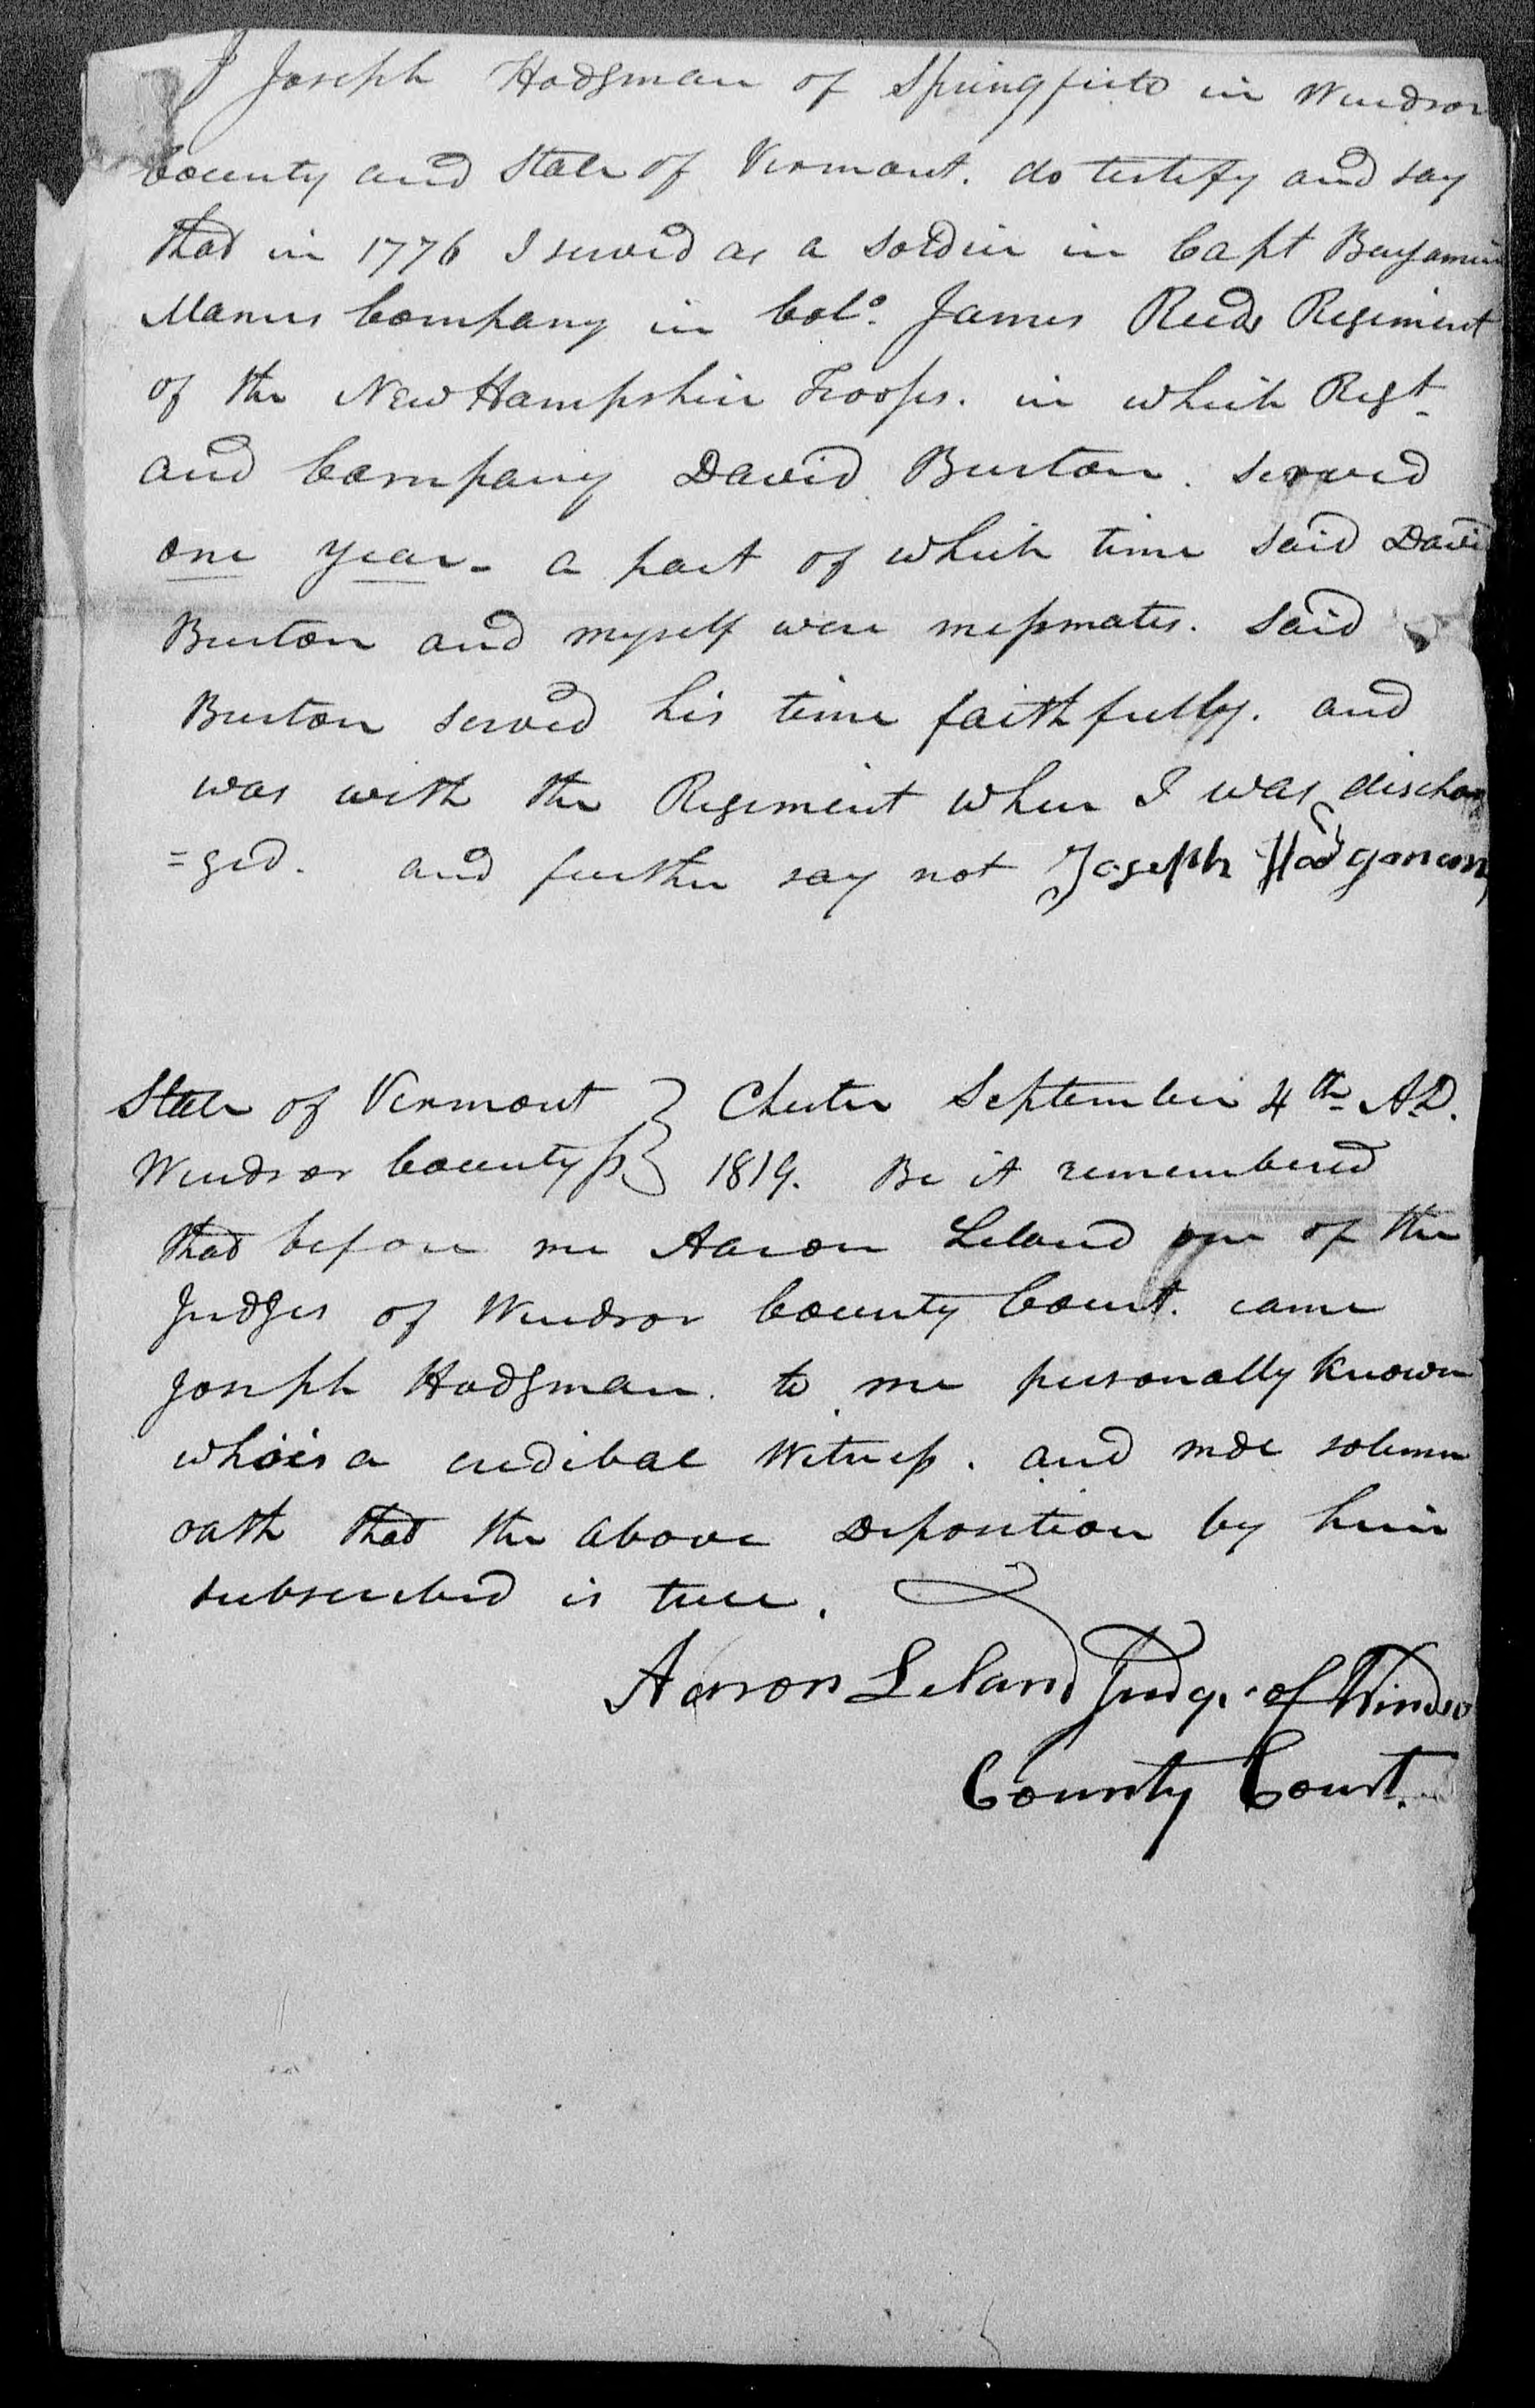I Joseph Hodgman of Springfield in Windsor County and state of Vermont do testify and say that in 1776 I served as a soldier in Capt. Benjamin Mann's company in Col James Reed's regiment of the New Hampshire troops in which Regt and company David Burton served one year - a part of which time said David Burton and myself were messmates; said Burton served his time faithfully and was with the regiment when I was discharged and further say not.

Joseph Hodgman

State of Vermont 
Windsor County

Chester, September 4th AD 1819

Be it remembered that before me Aaron Leland one of the Judges of Windsor County Court came Joseph Hodgman to me personally known who's a credible witness and made solemn oath that the above deposition by him subscribed is true.

Aaron Leland - Judge of Windsor County Court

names: Joseph Hodgman, Joseph Hodgman, Joseph Hodgman, Aaron Leland, David Burton, Burton, Aaron Leland, David Burton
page: 7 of 18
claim: survivor's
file: S. 40773, David Burton, N.H.